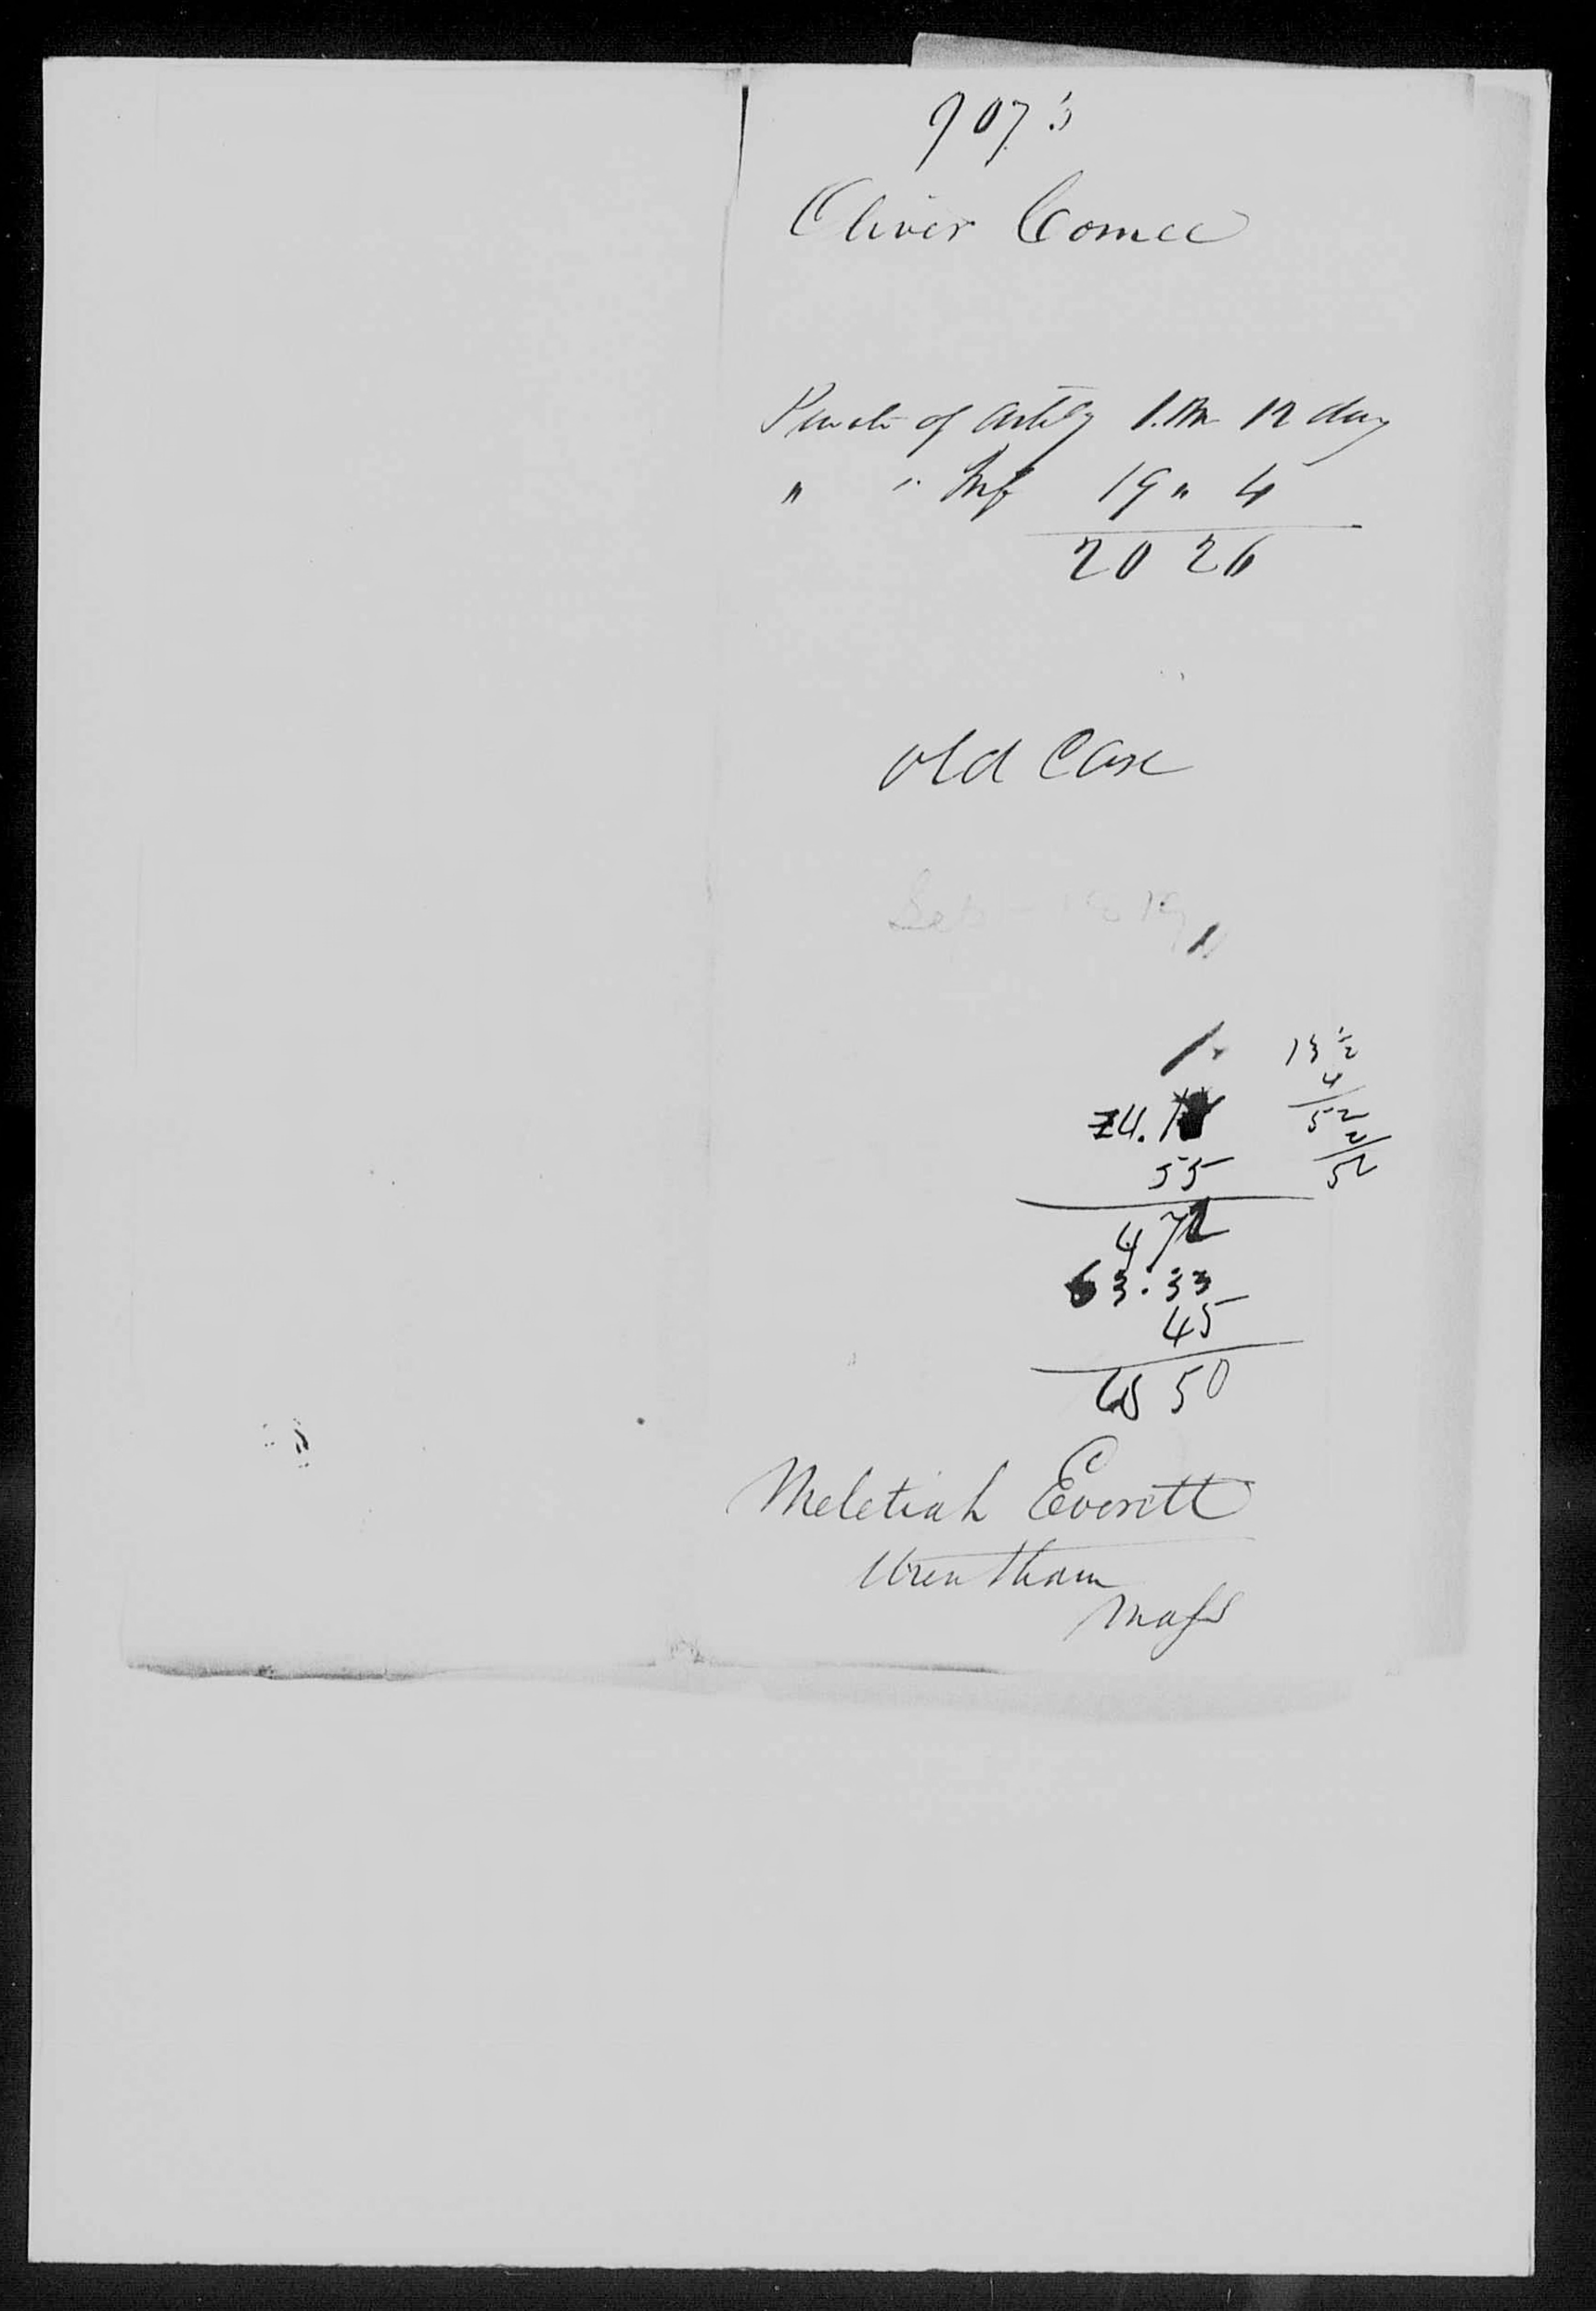9073
Oliver Comee

Private of Artily 1.Mo 12 day 
   “          “  Inf.   19”.  4
———
20    26

old case 

13 1/2 4/ 52 2/52

24. 55 / 47 63.33 45/ 68 50


Meletiah Everett 
Wrentham Mass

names: Oliver Comee, Meletiah Everett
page: 14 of 45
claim: widow's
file: W. 14,567, Oliver Comee, Mass.